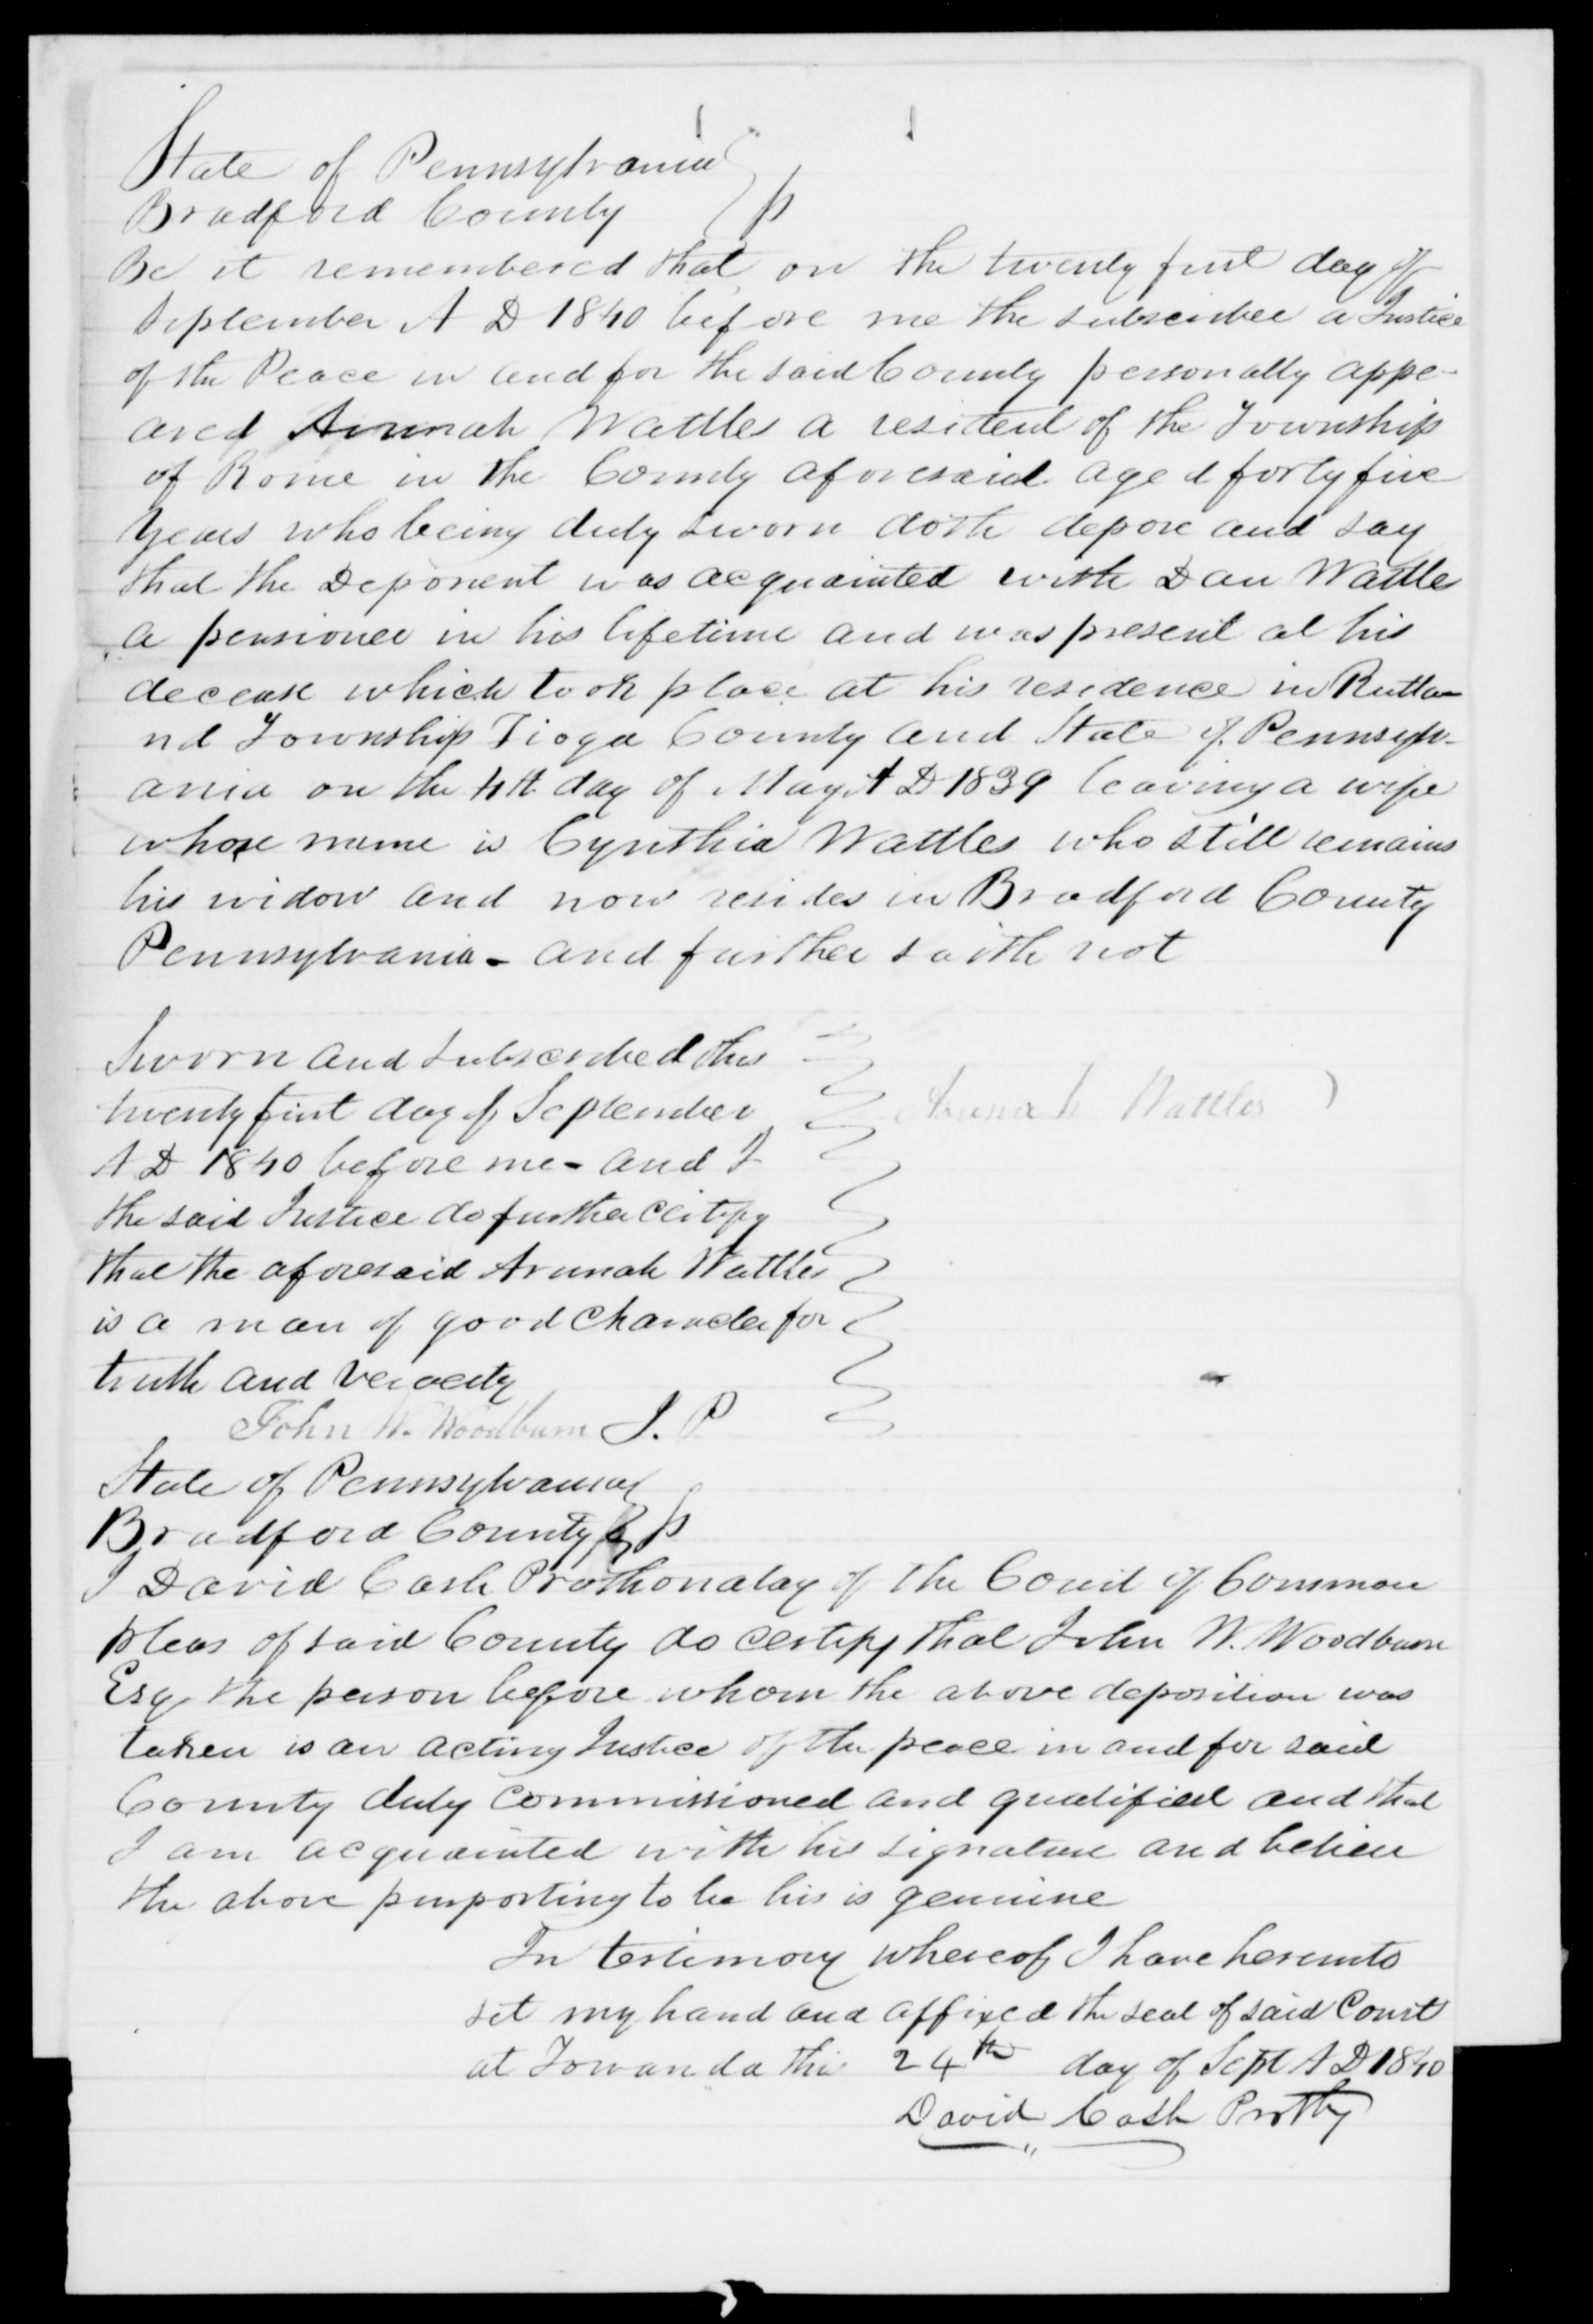State of Pennsylvania }
Bradford County } Ss
Be it remembered that on the twenty first day of September A D 1840 before me the subscriber a Justice of the Peace in and for the said County personally appeared Arunah Wattles a resident of the Township of Rome in the County aforesaid aged forty five years who being duly sworn doth depose and say that the Deponent was acquainted with Dan Wattle a pensioner in his lifetime and was present at his decease which took place at his residence in Rutland Township Tioga County and State of Pennsylvania on the 4th day of May AD 1839 leaving a wife whose name is Cynthia Wattles who still remains his widow and now resides in Bradford County Pennsylvania - and further saith not
Arunah Wattles

Sworn and subscribed this twenty first day of September AD 1840 before me-And I the said Justice do further certify that the aforesaid Arunah Wattles a man of good character for truth and veracity
John W. Woodburn J.P.

State of Pennsylvania }
Bradford County } Ss
I David Cash Prothonatay of the Court of Common pleas of said County  do certify that John W. Woodburn Esq the person before whom the above deposition was taken is an acting Justice of the peace in and for said County duly commissioned and qualified and that I am acquainted with his signature and believe the above purporting to be his is genuine
In testimony whereof I have hereunto set my hand and affixed the seal of said Court at Towanda this 24th day of Sept AD 1840
David Cash Prothy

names: David Cash, Arunah Wattles, Cynthia Wattles, John W Woodburn, Dan Wattles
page: 16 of 70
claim: widow's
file: W. 3743, Dan Wattles, Conn.